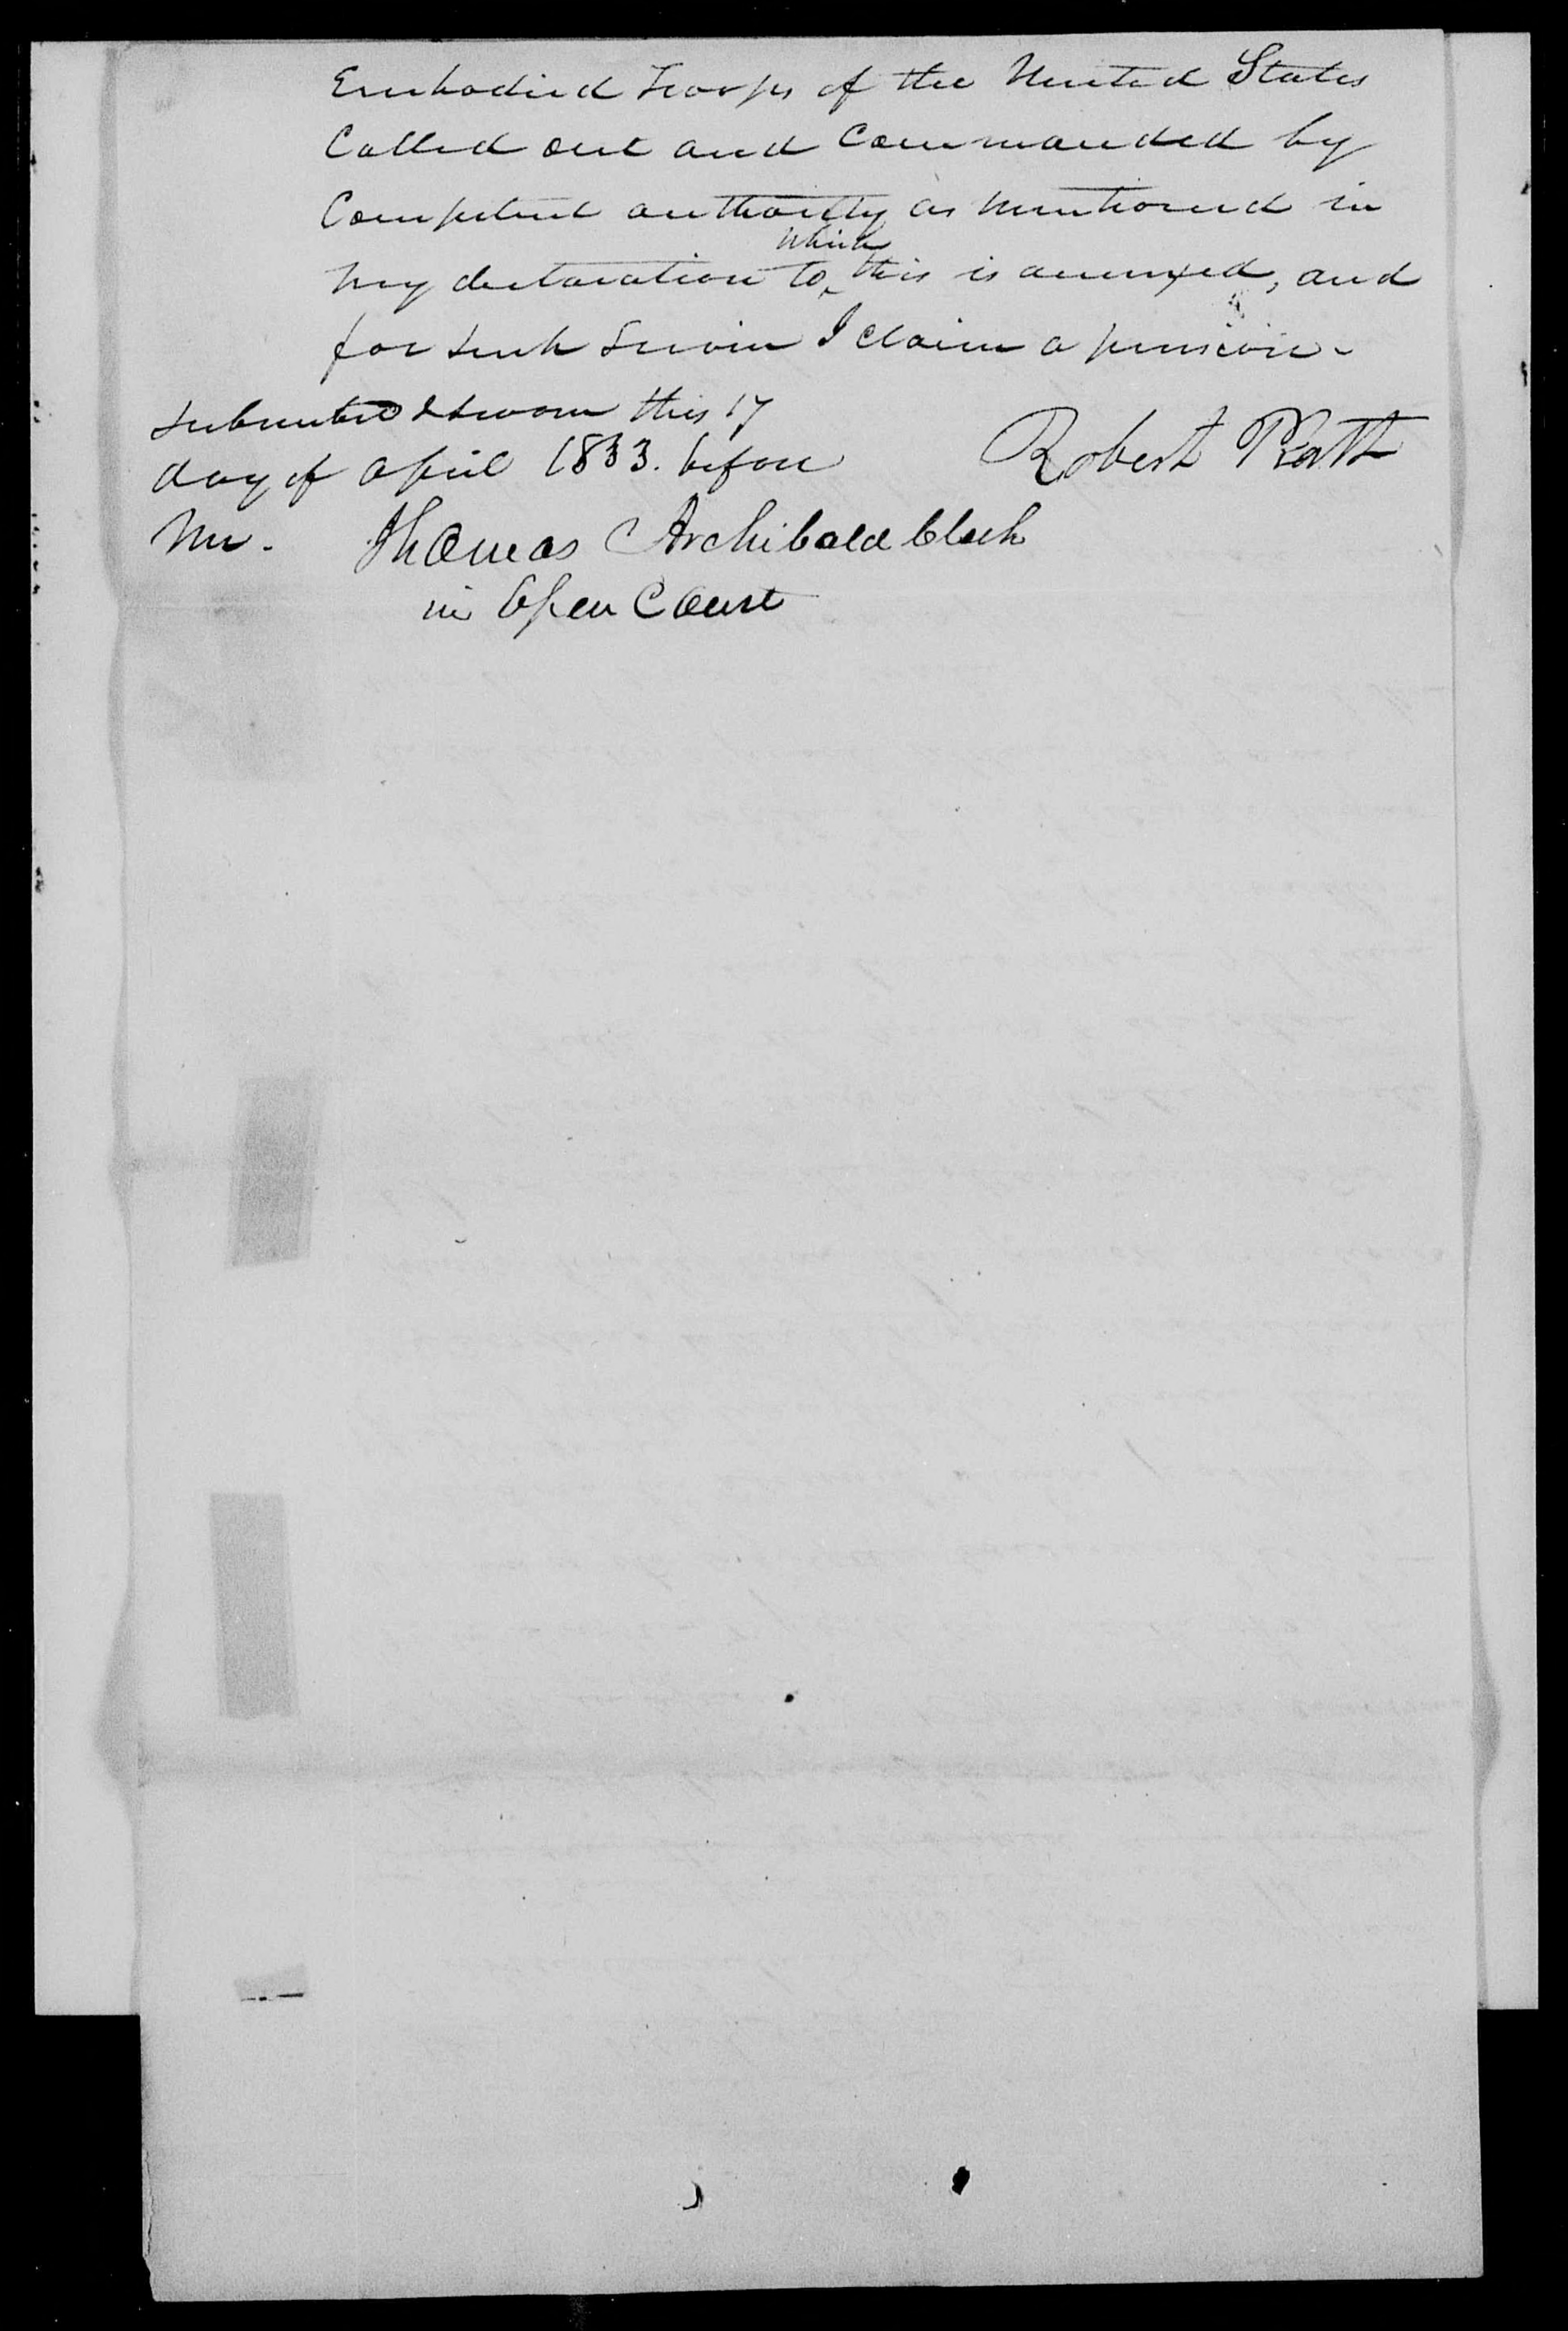Embodied Troops of the United States
called out and commanded by
competent authority as mentioned in
my declaration to which this is annexed, and
for such service I claim a pension-
[signed] Robert Pratt
Subscribed & sworn this 17
day of April 1833 before
Thomas Archibald Clerk
in Open Court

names: Thomas Archibald; Robert Pratt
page: 15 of 23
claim: survivor's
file: S. 14,229, for Robert Pratt, New York